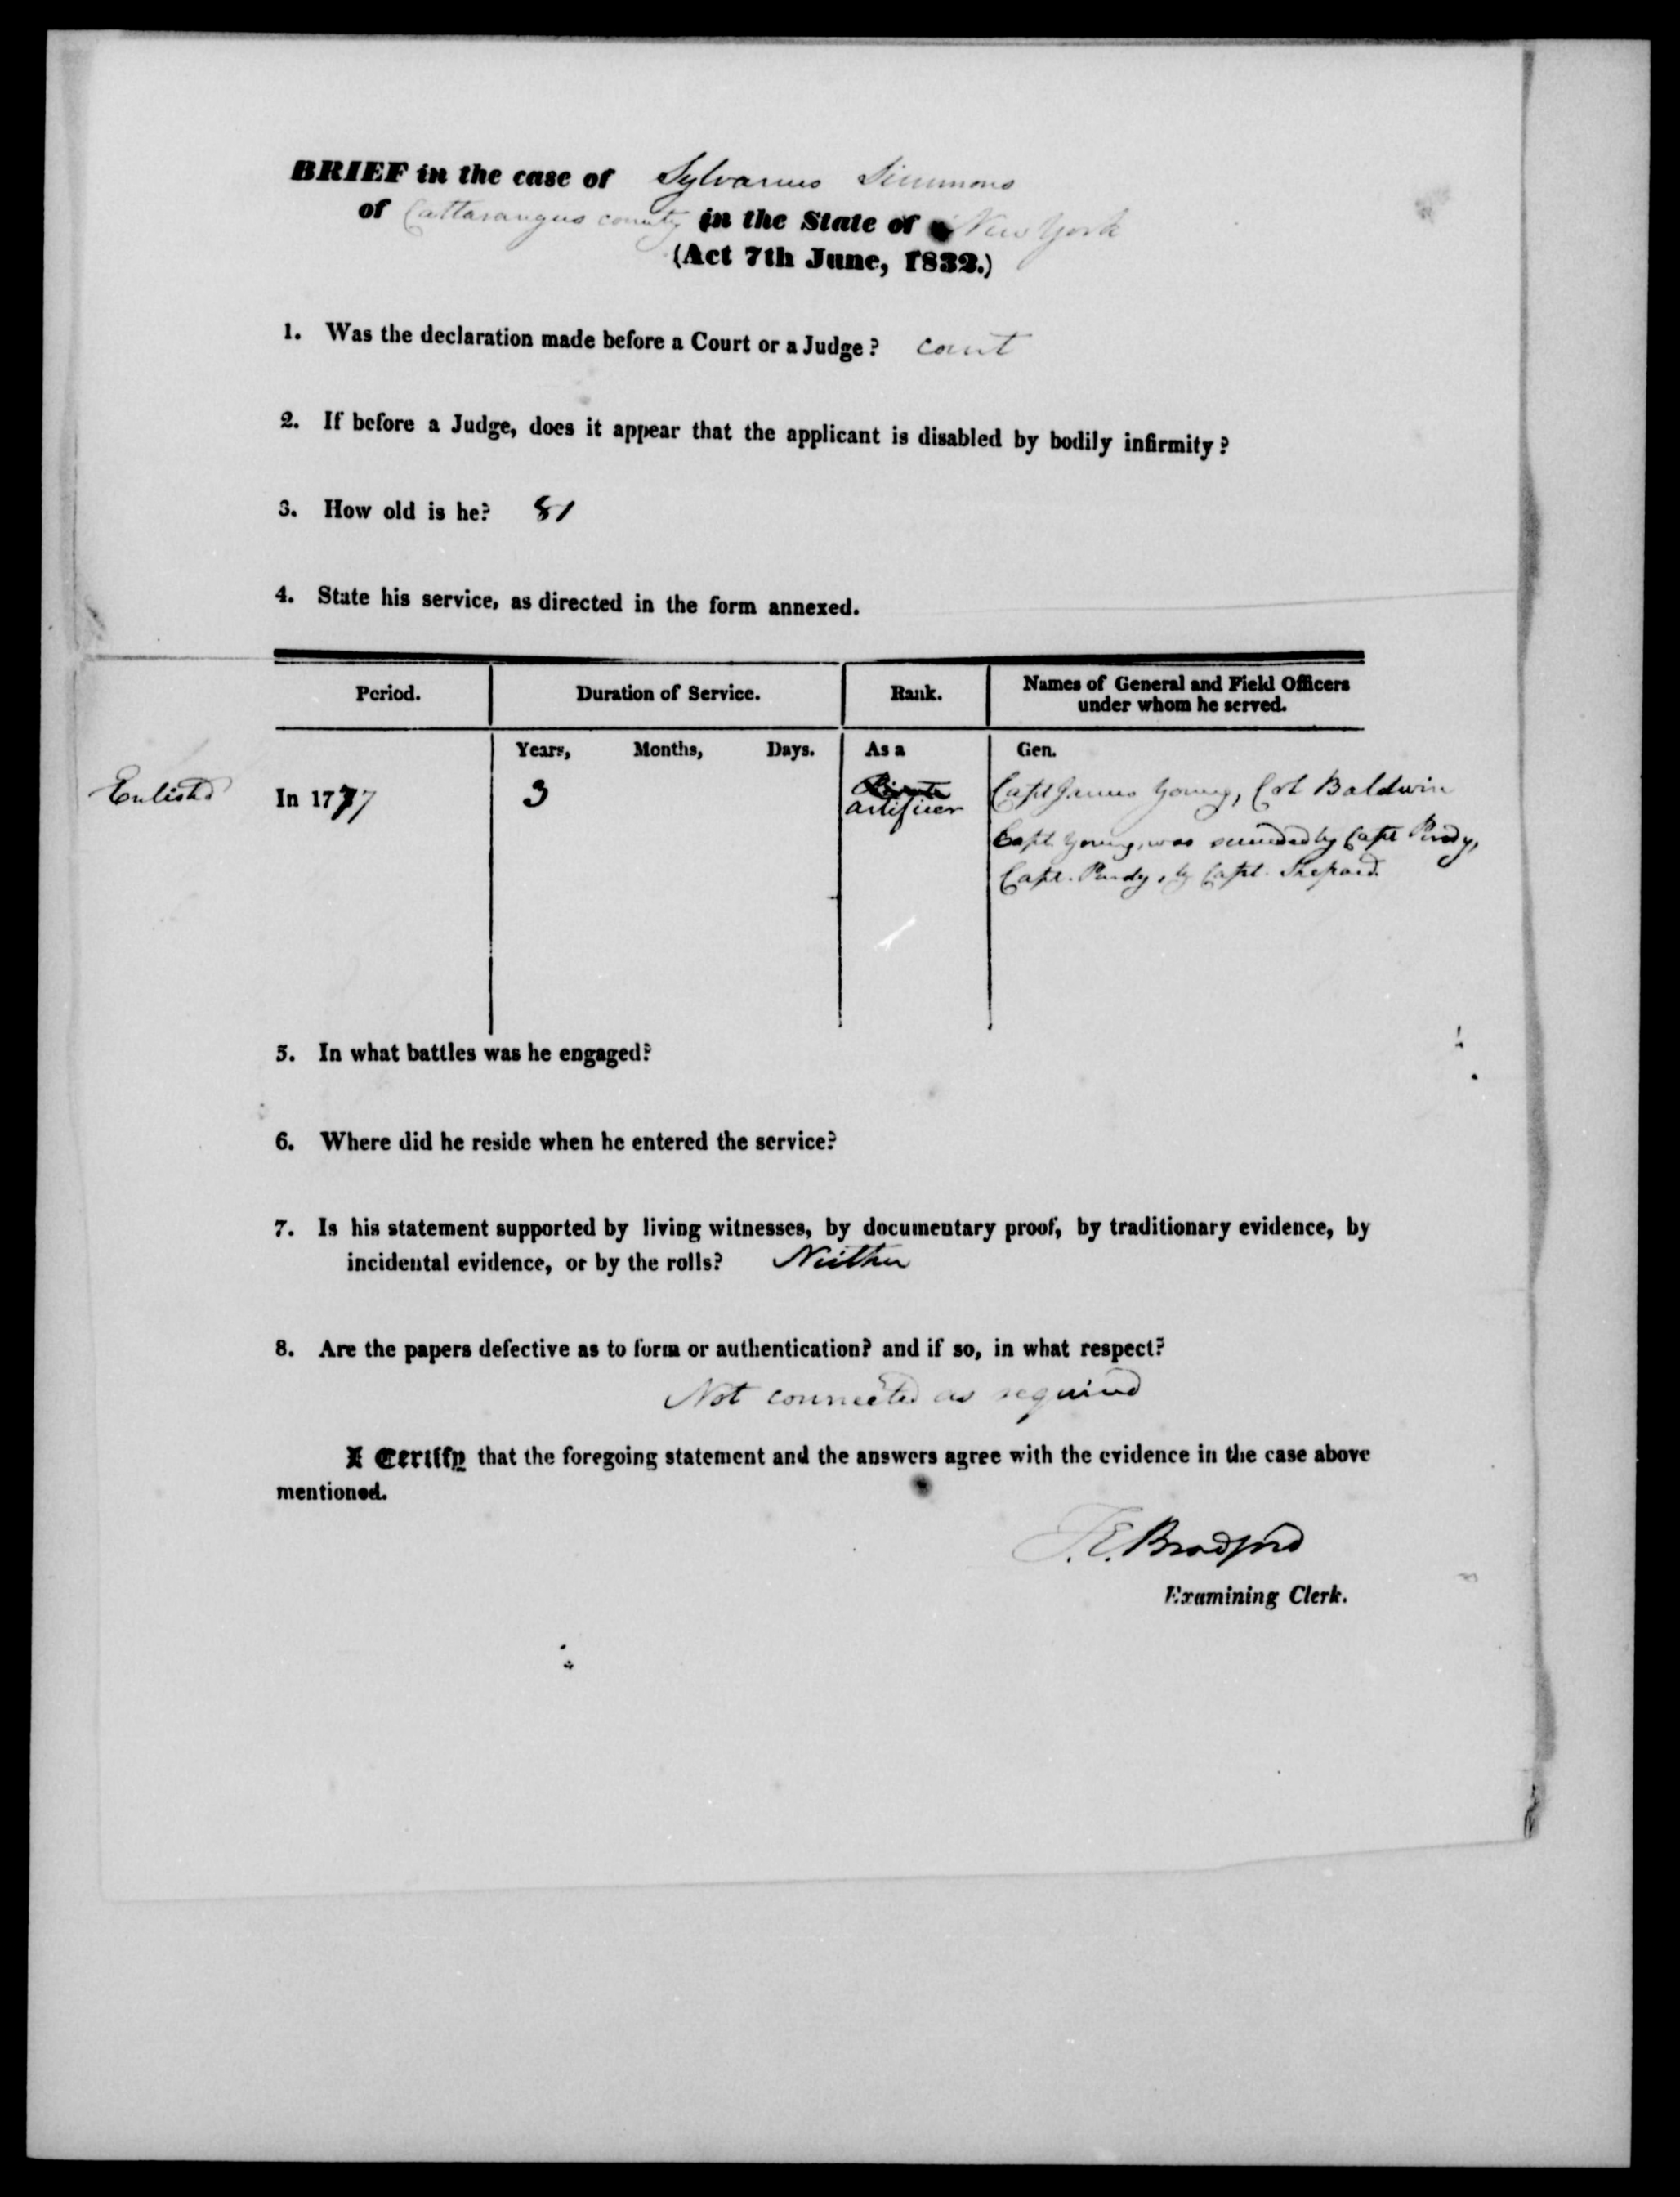BRIEF in the case of Sylvanus Simmons
of Cattaraugus County in the State of New York
(Act 7th June, 1832.)
1. Was the declaration made before a Court or a Judge? Court
2. If before a Judge, does it appear that the applicant is disabled by bodily infirmity?
3. How old is he? 81
4. State his service, as directed in the form annexed.
Period.
Enlisted In 1777
Duration of Service.
Years Months Days.
3
Rank.
As a
Artificer
Names of General and Field Officers
under whom he served.
Gen.
Capt James Young, Col Baldwin
Capt Young was succeeded by Capt Purdy,
Capt. Purdy, by Capt. Shepard
5. In what battles was he engaged?
6. Where did he reside when he entered the service?
7. Is his statement supported by living witnesses, by documentary proof, by traditionary evidence, by
incidental evidence, or by the rolls? Neither
8. Are the papers defective as to form or authentication? and if so, in what respect?
Not connected as required
Certify that the foregoing statement and the answers agree with the evidence in the case above
mentioned.
F. E. Bradford
Examining Clerk.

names: [BLANK] Shepard; James Young; [BLANK] Purdy; T E Bradford; Sylvanus Simmons; [BLANK] Young; [BLANK] Baldwin; [BLANK] Purdy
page: 15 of 31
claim: survivor's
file: S. 14484, for Sylvanus Simmons, New York